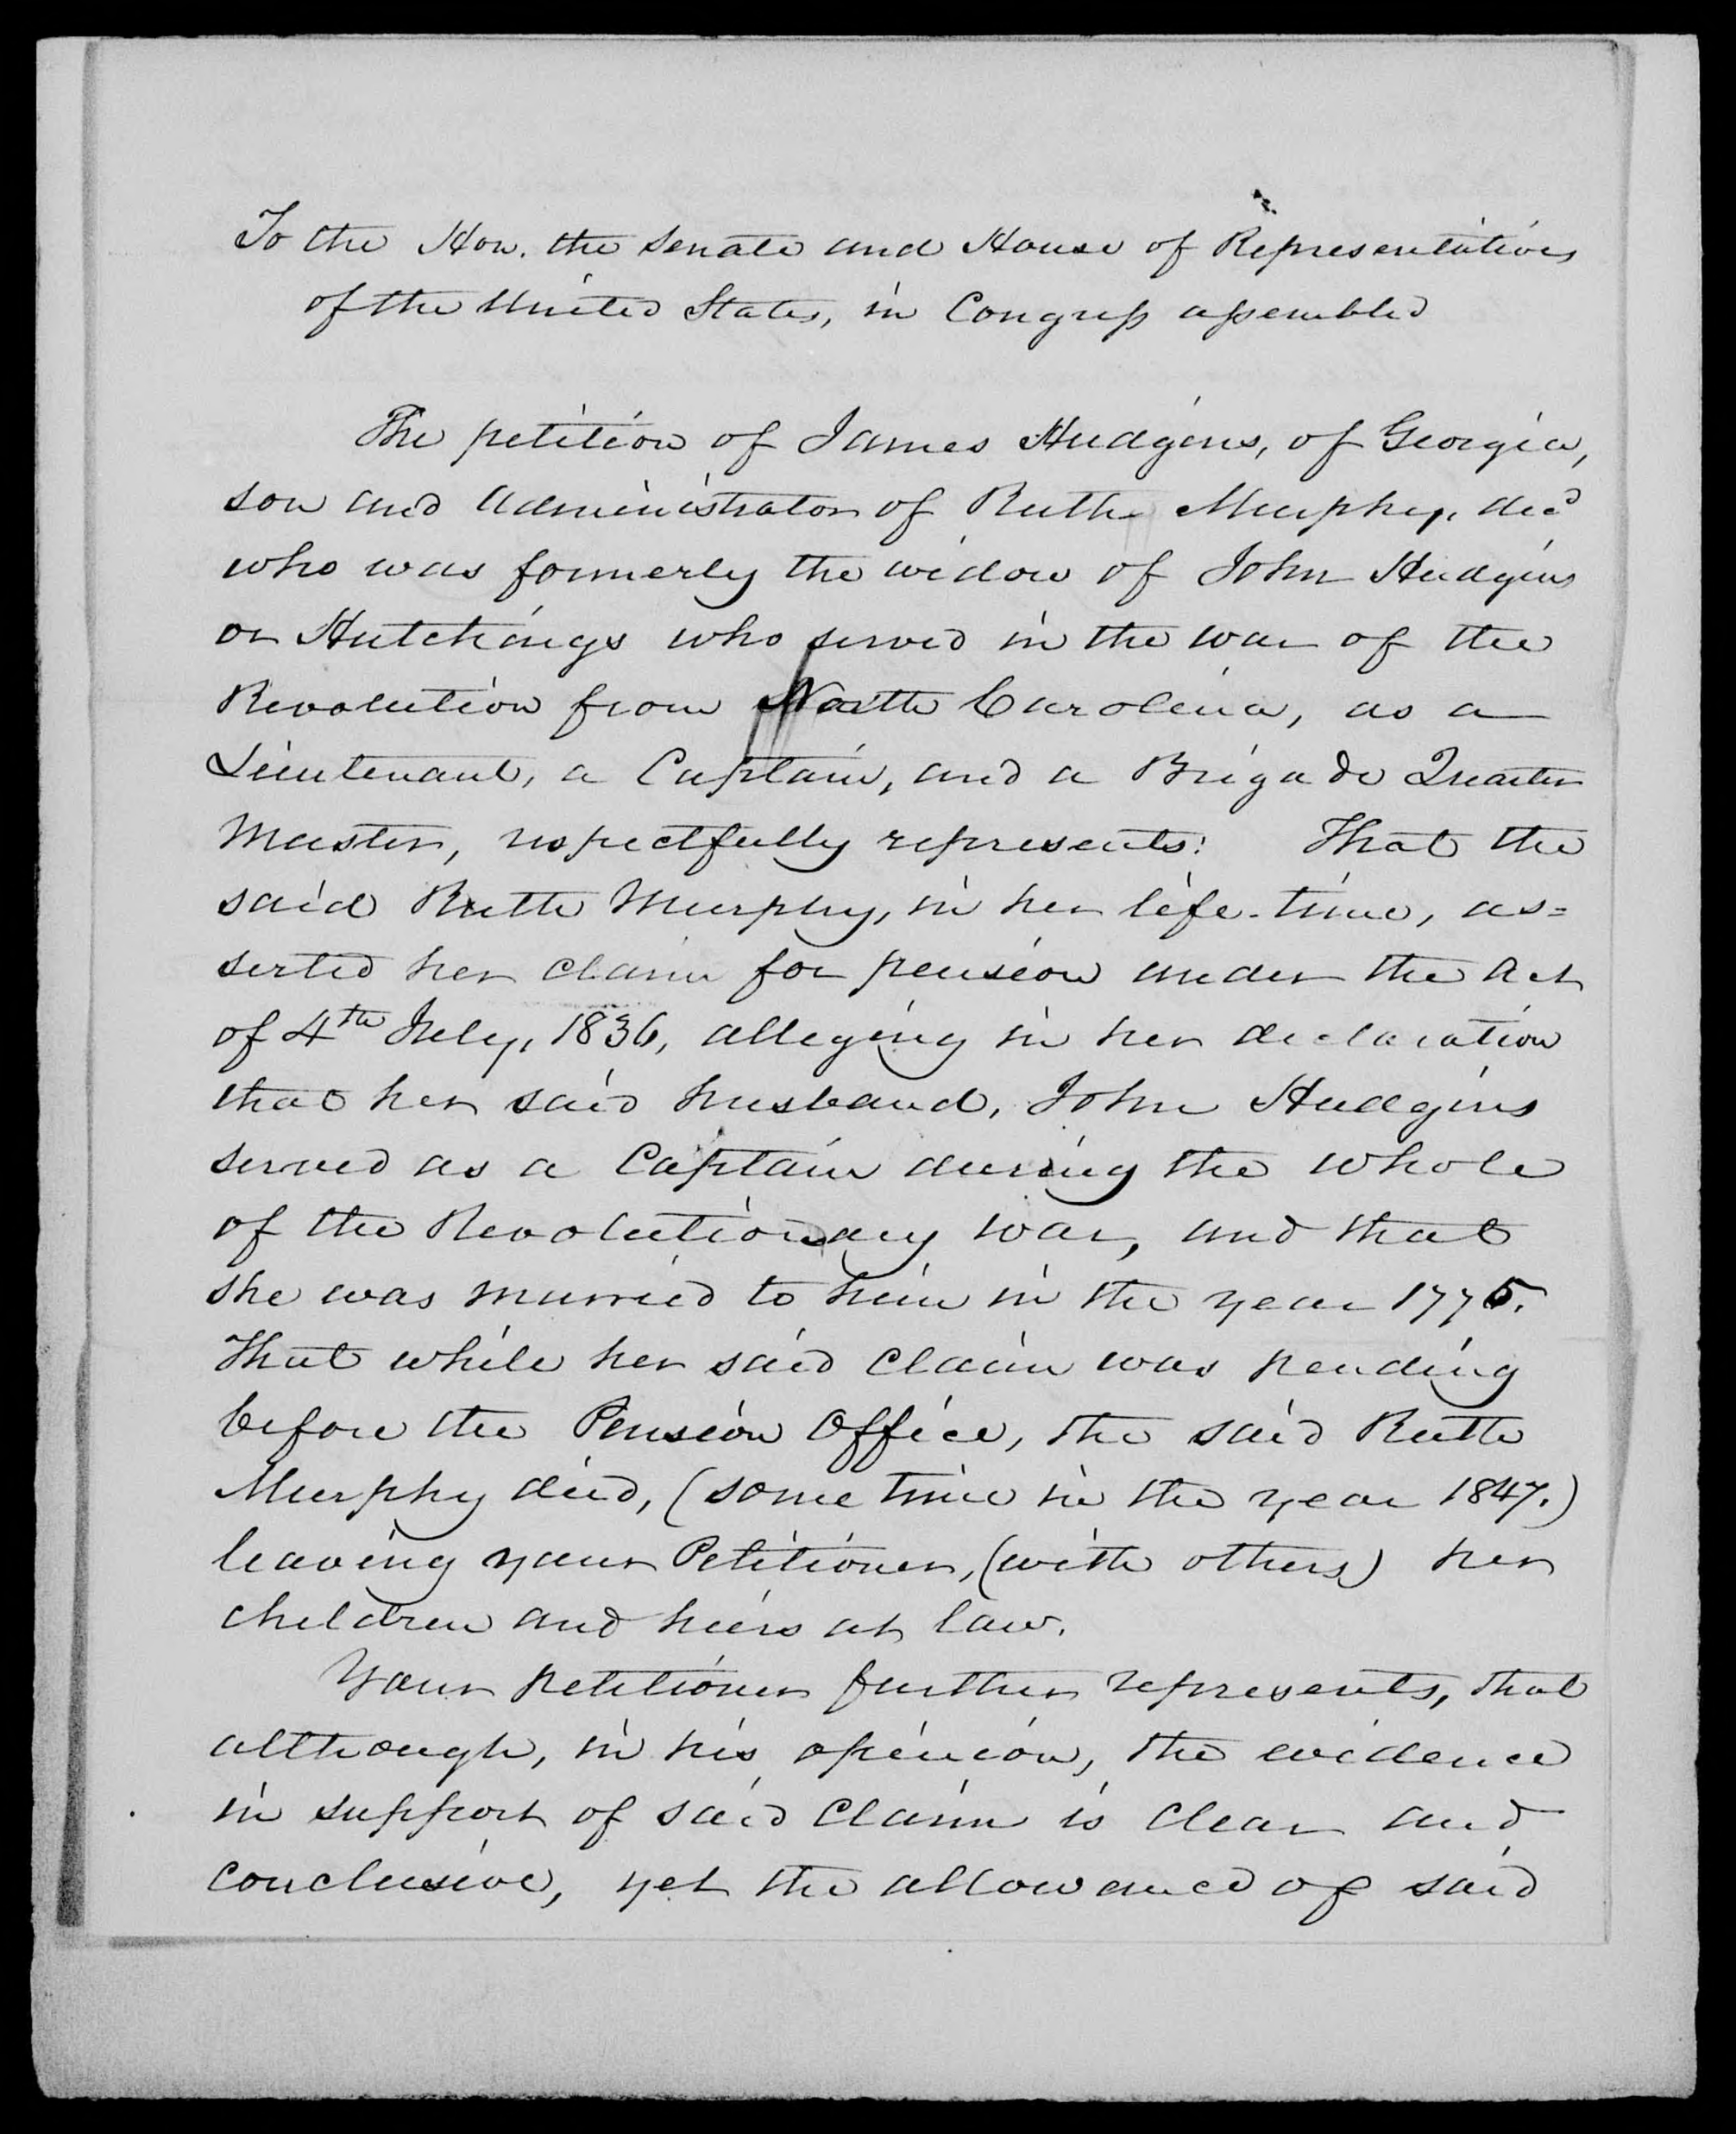To the Hon. the Senate and House of Representatives of the United States, in Congress assembled

The petition of James Hudgins, of Georgia, son and administration of Ruth Murphy and who was formerly the widow of John Hudgins or Hutchings who served in the war of the Revolution from North Carolina, as a Lieutenant,  a Captain and a Brigade Quarter Master, respectfully represents. That the said Ruth Murphy, in her lifetime asserted her claim for pension under the Act of 4th July, 1836, alleging in her declaration that her said husband, John Hudgins served as a Captain during the whole of the Revolutionary war, and that she was married to him in the year 1775. that while her said claim was pending before the pension office, he said Ruth Murphy died (some time in the year 1847) leaving your petitioner (with others her children and her’s at law.
   Your petitioner further represents, that although in his opinion, the evidence in support of said claim is clear and conclusive, yet the allowanced of said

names: Ruth Murphy, John Hudgins, John Hutchings, James Hudgins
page: 100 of 108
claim: rejected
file: R. 7,515, John Hudgins, N.C.